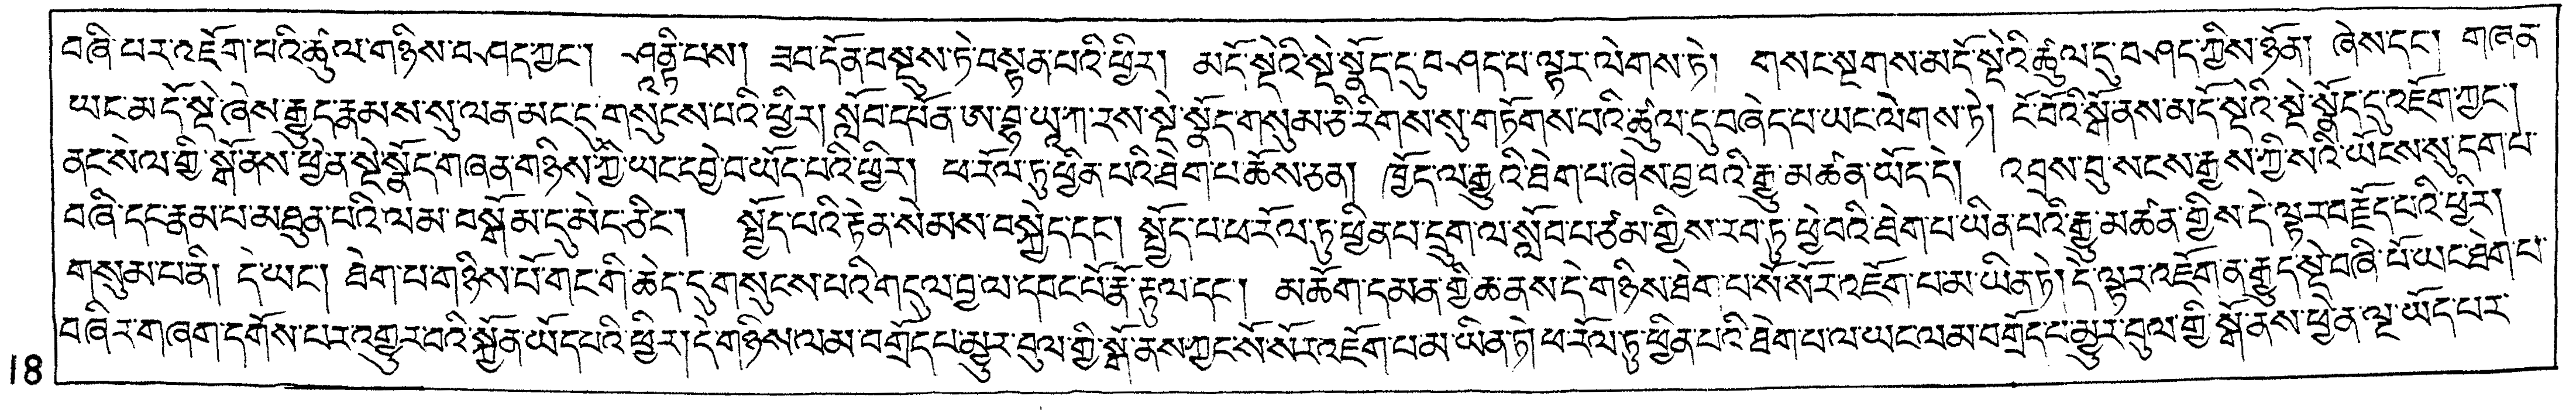བཞི་པར་འཇོག་པའི་ཚུལ་གཉིས་བཤད་ཀྱང་། ཤཱནྟི་པས། ཟབ་དོན་བསྡུས་ཏེ་བསྟན་པའི་ཕྱིར། མདོ་སྡེའི་སྡེ་སྣོད་དུ་བཤད་པ་ལྟར་ལེགས་ཏེ། གསང་སྔགས་མདོ་སྡེའི་ཚུལ་དུ་བཤད་ཀྱིས་ཉོན། ཞེས་དང་། གཞན་
ཡང་མདོ་སྡེ་ཞེས་རྒྱུད་རྣམས་སུ་ལན་མང་དུ་གསུངས་པའི་ཕྱིར། སློབ་དཔོན་ཨ་བྷ་ཡཱ་ཀ་རས་སྡེ་སྣོད་གསུམ་ཅི་རིགས་སུ་གཏོགས་པའི་ཚུལ་དུ་བཞེད་པ་ཡང་ལེགས་ཏེ། ངོ་བོའི་སྒོ་ནས་མདོ་སྡེའི་སྡེ་སྣོད་དུ་འཇོག་ཀྱང་།
ནང་སེལ་གྱི་སྒོ་ནས་ཕྱེ་ན་སྡེ་སྣོད་གཞན་གཉིས་ཀྱི་ཡང་དབྱེ་བ་ཡོད་པའི་ཕྱིར། ཕ་རོལ་ཏུ་ཕྱིན་པའི་ཐེག་པ་ཆོས་ཅན། ཁྱོད་ལ་རྒྱུའི་ཐེག་པ་ཞེས་བྱ་བའི་རྒྱུ་མཚན་ཡོད་དེ། འབྲས་བུ་སངས་རྒྱས་ཀྱི་སའི་ཡོངས་སུ་དག་པ་
བཞི་དང་རྣམ་པ་མཐུན་པའི་ལམ་བསྒོམ་དུ་མེད་ཅིང་། སྤྱོད་པའི་རྟེན་སེམས་བསྐྱེད་དང་། སྤྱོད་པ་ཕ་རོལ་ཏུ་ཕྱིན་པ་དྲུག་ལ་སློབ་པ་ཙམ་གྱིས་རབ་ཏུ་ཕྱེ་བའི་ཐེག་པ་ཡིན་པའི་རྒྱུ་མཚན་གྱིས་དེ་ལྟར་བརྗོད་པའི་ཕྱིར།
གསུམ་པ་ནི། དེ་ཡང་། ཐེག་པ་གཉིས་པོ་གང་གི་ཆེད་དུ་གསུངས་པའི་གདུལ་བྱ་ལ་དབང་པོ་རྣོ་རྟུལ་དང་། མཆོག་དམན་གྱི་ཆ་ནས་དེ་གཉིས་ཐེག་པ་སོ་སོར་འཇོག་པ་མ་ཡིན་ཏེ། དེ་ལྟར་འཇོག་ན་རྒྱུད་སྡེ་བཞི་པོ་ཡང་ཐེག་པ་
བཞིར་གཞག་དགོས་པར་འགྱུར་བའི་སྐྱོན་ཡོད་པའི་ཕྱིར། དེ་གཉིས་ལམ་བགྲོད་པ་མྱུར་བུལ་གྱི་སྒོ་ནས་ཀྱང་སོ་སོར་འཇོག་པ་མ་ཡིན་ཏེ། ཕ་རོལ་ཏུ་ཕྱིན་པའི་ཐེག་པ་ལ་ཡང་ལམ་བགྲོད་པ་མྱུར་བུལ་གྱི་སྒོ་ནས་ཕྱེ་ན་ལྔ་ཡོད་པར་